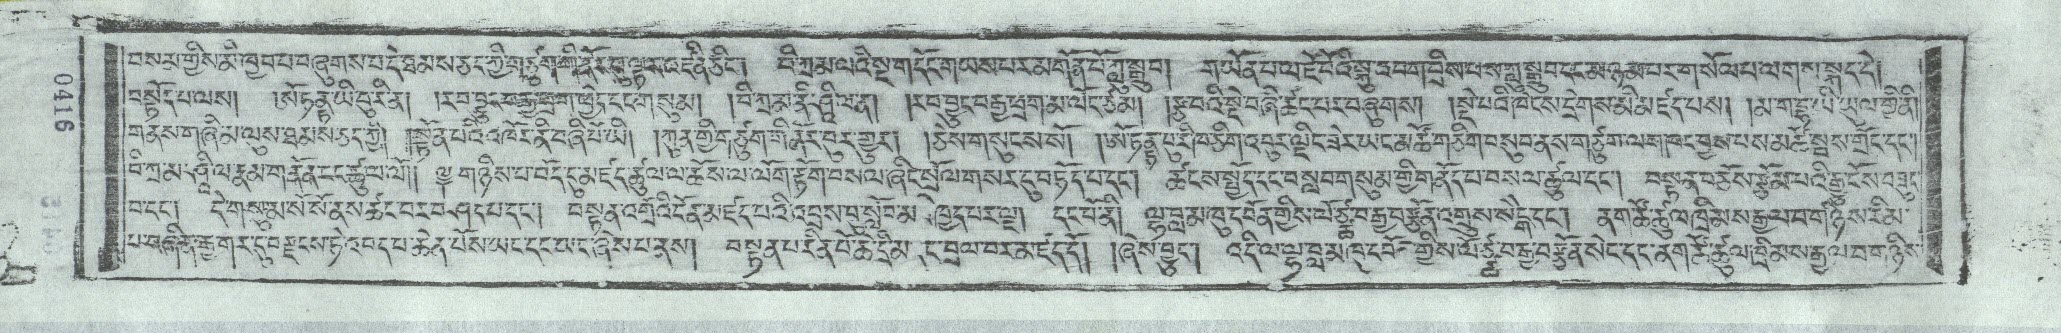བསམ་གྱིས་མི་ཁྱབ་པ་བཞུགས་པ་དེ་ཐམས་ཅད་ཀྱི་གཙུག་གི་ནོར་བུ་ལྟར་འཛིན་ཅིང་། བི་ཀྲ་མ་ལའི་སྔ་གདོང་གཡས་པར་མགོན་པོ་ཀླུ་སྒྲུབ། གཡོན་པ་ལ་ཇོ་བོའི་སྐུ་འབག་བྲིས་པས་ཀླུ་སྒྲུབ་དང་མཉམ་པར་གསོལ་པ་ལགས་སྐད་དེ།
བསྟོད་པ་ལས། ཨོ་ཏནྟ་ཡི་བུ་རིན། །རབ་བྱུང་བརྒྱ་ཕྲག་ཕྱེད་དང་གསུམ། །བི་ཀྲ་མ་ནི་ཤཱི་ལན། །རབ་བྱུང་བརྒྱ་ཕྲག་མ་ལོང་ཙམ། །རྩ་བའི་སྡེ་བཞི་ཚང་པར་བཞུགས། །སྡེ་པའི་ཁངས་དྲེགས་མི་མཛད་པས། །མ་ག་དྷ་ཡི་ཡུལ་གྱི་ནི།
གནས་གཞི་མ་ལུས་ཐམས་ཅད་ཀྱི། །སྟོན་པའི་འཁོར་ནི་བཞི་པོ་ཡི། །ཀུན་གྱི་གཙུག་གི་ནོར་བུར་གྱུར། །ཅེས་གསུངས་སོ། །ཨོ་ཏནྟ་པུ་རི་ཁ་ཅིག་འབུར་ལྡིང་ཟེར་ཡང་མཚོ་གཅིག་བསུབ་ནས་གཙུག་ལག་ཁང་བྱས་པས་མཚོ་སྦས་གྲོད་དང་།
བི་ཀྲ་མ་ཤཱི་ལ་རྣམ་གནོན་ངང་ཚུལ་ལོ།། ༈ གཉིས་པ་བོད་དུ་མཛད་ཚུལ་ལ་ཆོས་ལ་ལོག་རྟོག་བསལ་ཞིང་སྲོལ་གསར་དུ་བཏོད་པ་དང་། ཚངས་སྤྱོད་དང་བསླབ་གསུམ་གྱི་གནོད་པ་བསལ་ཚུལ་དང་། བསྟན་བཅོས་རྩོམ་པའི་རྒྱུ་ངོས་བཟུང་
བ་དང་། དེ་གསུམ་སོ་སོ་ནས་ཚང་བར་བཤད་པ་དང་། བསྟན་འགྲོའི་དོན་མཛད་པའི་འབྲས་བུ་སློབ་མ་མཁྱེད་པར་ལྔ། དང་པོ་ནི། ལྷ་བླ་མ་ཁུ་དབོན་གྱིས་ལོ་ཙྪ་བ་རྒྱ་བརྩོན་འགྲུས་སེངྒེ་དང་། ནག་ཚོ་ཚུལ་ཁྲིམས་རྒྱལ་བ་གཉིས་རིམ་
པ་བཞིན་རྒྱ་གར་དུ་བརྫངས་ཏེ་འབད་པ་ཆེན་པོས་ཡང་དང་ཡང་ཞེས་པ་ནས། བསྟན་པ་རིན་པོ་ཆེ་དྲི་མ་དང་བྲལ་བར་མཛད་དོ། །ཞེས་བྱུང་། འདི་ལ་ལྷ་བླ་མ་ཁུང་བོར་གྱིས་ལོ་ཙྪ་བ་རྒྱ་བརྩོན་སེང་དང་ནག་ཚོ་ཚུལ་ཁྲིམས་རྒྱལ་བ་གཉིས་